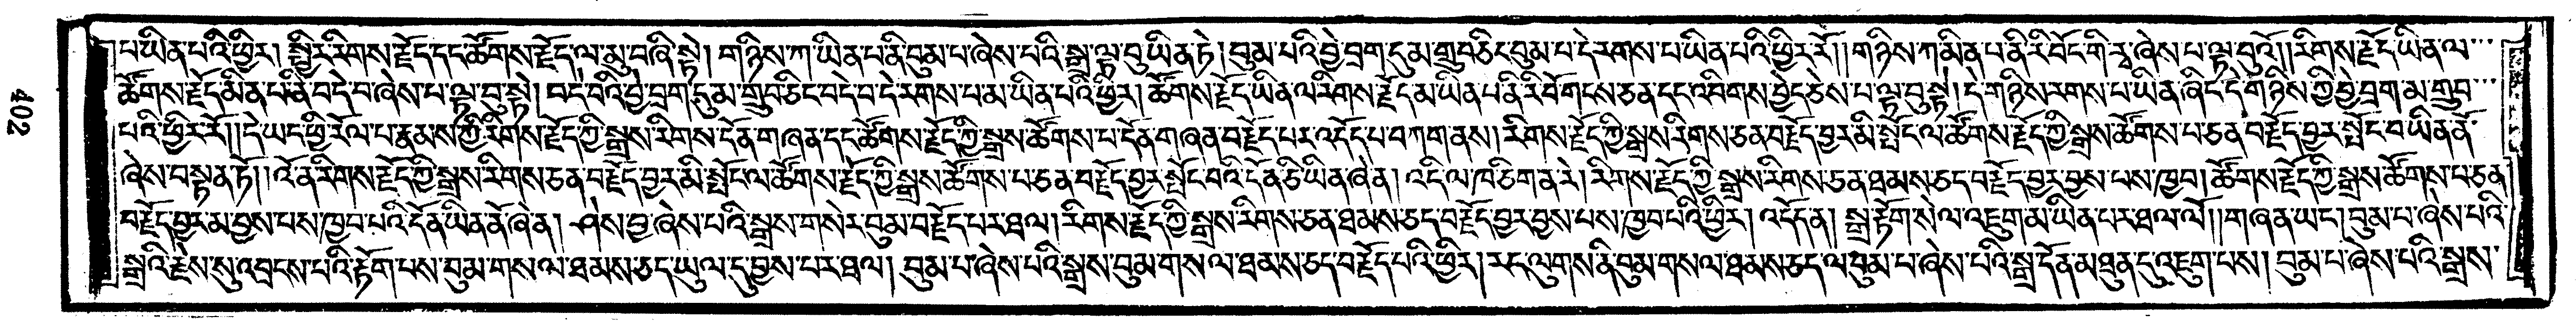པ་ཡིན་པའི་ཕྱིར། སྤྱིར་རིགས་རྗོད་དང་ཚོགས་རྗོད་ལ་མུ་བཞི་སྟེ། གཉིས་ཀ་ཡིན་པ་ནི་བུམ་པ་ཞེས་པའི་སྒྲ་ལྟ་བུ་ཡིན་ཏེ། བུམ་པའི་བྱེ་བྲག་དུ་མ་གྲུབ་ཅིང་བུམ་པ་དེ་རགས་པ་ཡིན་པའི་ཕྱིར་རོ། །གཉིས་ཀ་མིན་པ་ནི་རི་བོང་གི་རྭ་ཞེས་པ་ལྟ་བུའོ། །རིགས་རྗོད་ཡིན་ལ་
ཚོགས་རྗོད་མིན་པ་ནི་བདེ་བ་ཞེས་པ་ལྟ་བུ་སྟེ། བདེ་བའི་བྱེ་བྲག་དུ་མ་གྲུབ་ཅིང་བདེ་བ་དེ་རགས་པ་མ་ཡིན་པའི་ཕྱིར། ཚོགས་རྗོད་ཡིན་ལ་རིགས་རྗོད་མ་ཡིན་པ་ནི་རི་བོ་གངས་ཅན་དང་འབིགས་?་བྱེད་ཅེས་པ་ལྟ་བུ་སྟེ། དེ་གཉིས་རགས་པ་ཡིན་ཞིང་དེ་གཉིས་ཀྱི་བྱེ་བྲག་མ་གྲུབ་
པའི་ཕྱིར་རོ། །དེ་ཡང་ཕྱི་རོལ་པ་རྣམས་ཀྱི་རིགས་རྗོད་ཀྱི་སྒྲས་རིགས་དོན་གཞན་དང་ཚོགས་རྗོད་ཀྱི་སྒྲས་ཚོགས་པ་དོན་གཞན་བརྗོད་པར་འདོད་པ་བཀག་ནས། རིགས་རྗོད་ཀྱི་སྒྲས་རིགས་ཅན་བརྗོད་བྱར་མི་སྤོང་ལ་ཚོགས་རྗོད་ཀྱི་སྒྲས་ཚོགས་པ་ཅན་བརྗོད་བྱར་སྤོང་བ་ཡིན་ནོ་
ཞེས་བསྟན་ཏོ། །འོ་ན་རིགས་རྗོད་ཀྱི་སྒྲས་རིགས་ཅན་བརྗོད་བྱར་མི་སྤོང་ལ་ཚོགས་རྗོད་ཀྱི་སྒྲས་ཚོགས་པ་ཅན་བརྗོད་བྱར་སྤོང་བའི་དོན་ཅི་ཡིན་ཞེ་ན། འདི་ལ་ཁ་ཅིག་ན་རེ། རིགས་རྗོད་ཀྱི་སྒྲས་རིགས་ཅན་ཐམས་ཅད་བརྗོད་བྱར་བྱས་པས་ཁྱབ། ཚོགས་རྗོད་ཀྱི་སྒྲས་ཚོགས་པ་ཅན་
བརྗོད་བྱར་མ་བྱས་པས་ཁྱབ་པའི་དོན་ཡིན་ནོ་ཞེ་ན། ཤེས་བྱ་ཞེས་པའི་སྒྲས་གསེར་བུམ་བརྗོད་པར་ཐལ། རིགས་རྗོད་ཀྱི་སྒྲས་རིགས་ཅན་ཐམས་ཅད་བརྗོད་བྱར་བྱས་པས་ཁྱབ་པའི་ཕྱིར། འདོད་ན། སྒྲ་རྟོག་སེལ་འཇུག་མ་ཡིན་པར་ཐལ་ལོ། །གཞན་ཡང་། བུམ་པ་ཞེས་པའི་
སྒྲའི་རྗེས་སུ་འབྲངས་པའི་རྟོག་པས་བུམ་གསལ་ཐམས་ཅད་ཡུལ་དུ་བྱས་པར་ཐལ། བུམ་པ་ཞེས་པའི་སྒྲས་བུམ་གསལ་ཐམས་ཅད་བརྗོད་པའི་ཕྱིར། རང་ལུགས་ནི་བུམ་གསལ་ཐམས་ཅད་ལ་བུམ་པ་ཞེས་པའི་སྒྲ་དོན་མཐུན་དུ་འཇུག་པས། བུམ་པ་ཞེས་པའི་སྒྲས་